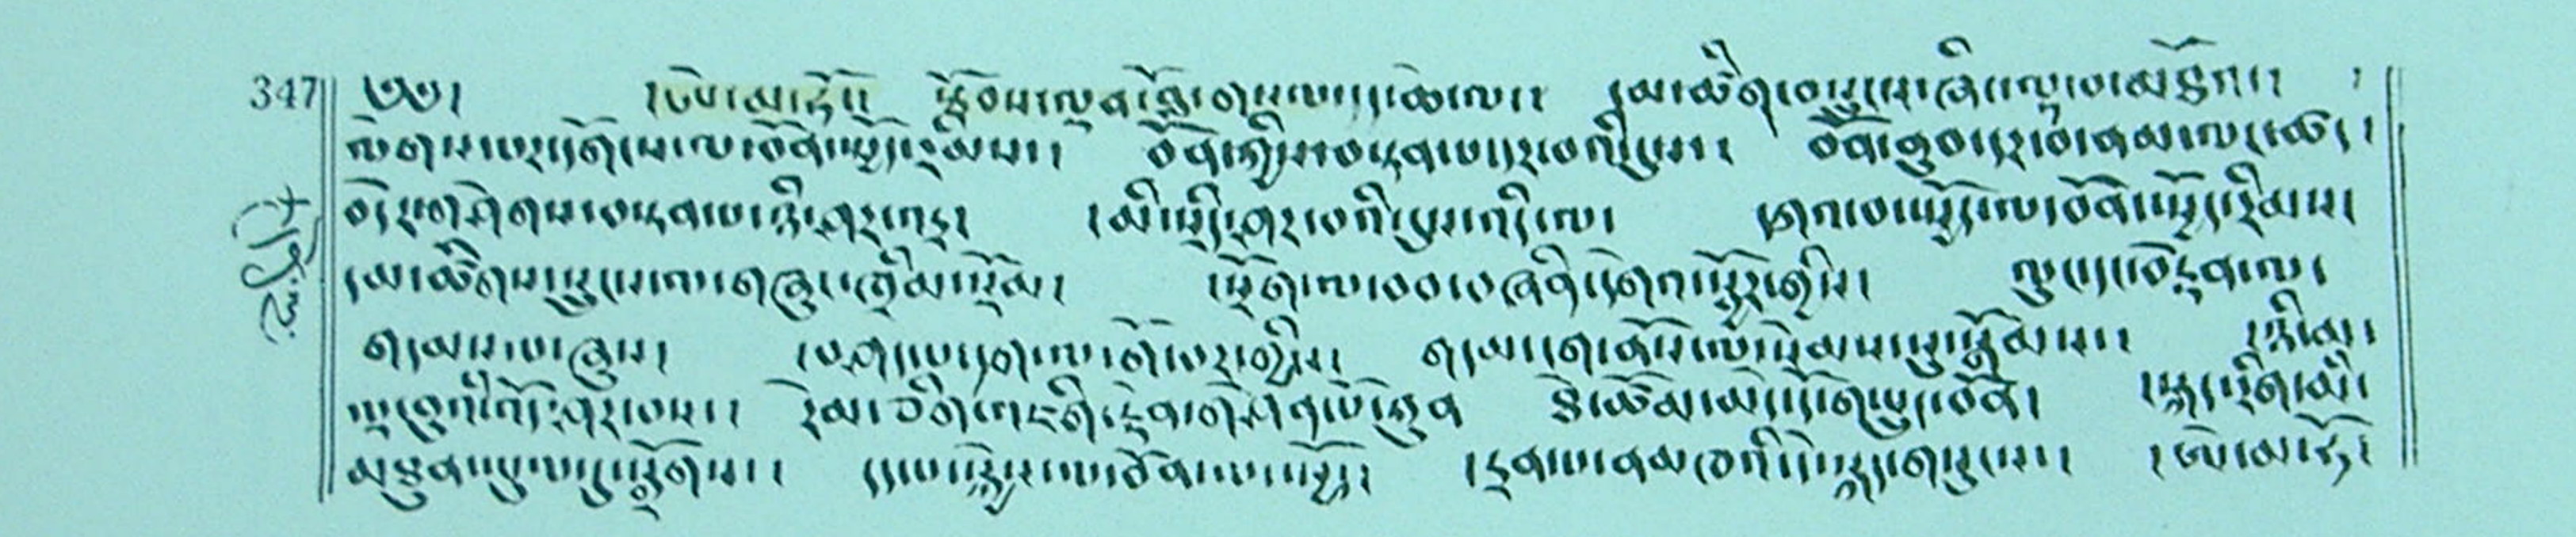༄༅།། ཨེ་མ་ཧོ། སྟོབས་ལྡན་བློ་གསལ་དད་ཆེ་ལ། དམ་ཚིག་བསྲུང་ཞིང་ལྟ་བ་མཐོ། 
ལེགས་པར་དགོངས་ལ་བོན་སྤྱོད་རིམས། བོན་གྱི་བསྟན་པ་དར་བའི་དུས། བོན་ནུབ་དར་བ་ནམ་ལང་ཚད། 
བདེར་གཤེགས་བསྟན་པ་ཉི་ཤར་འདྲ། མི་སྲིད་ཤར་བའི་དུས་འདིར་ལ། དཀའ་བ་སྤྱོད་ལ་བོན་སྤྱོད་རིམས། 
དམ་ཚིག་བསྲུངས་ལ་གཞུང་ཁྲིམས་སྡོམས། སྲོག་ལ་བབ་བཞིན་དགེ་སྦྱོར་གྱིས། ལུང་དང་བརྟེན་ལ་
གདམས་པ་ཞུས། བཤད་པ་དག་ལ་གོ་བར་གྱིས། གདམས་ངག་ནོས་ལ་སེམས་སུ་སྒོམས། ཉི་མ་
ལྟ་བུའི་འོད་ཤར་བས། རེམ་ཅིག་འཇིག་རྟེན་གཤེན་པོ་ཀུན། ཐེ་ཚོམ་མེད་དོ་གཡུང་དྲུང་བོན། སྐད་རིགས་མི་
མཐུན་ཡུལ་དུ་སྒྲོགས། དད་པ་བསྐྱེད་ལ་བོན་ལ་སྤྱོད། དྲན་པ་ནམ་མཁའི་དེ་སྐད་གསུངས། ཨེ་མ་ཧོ།